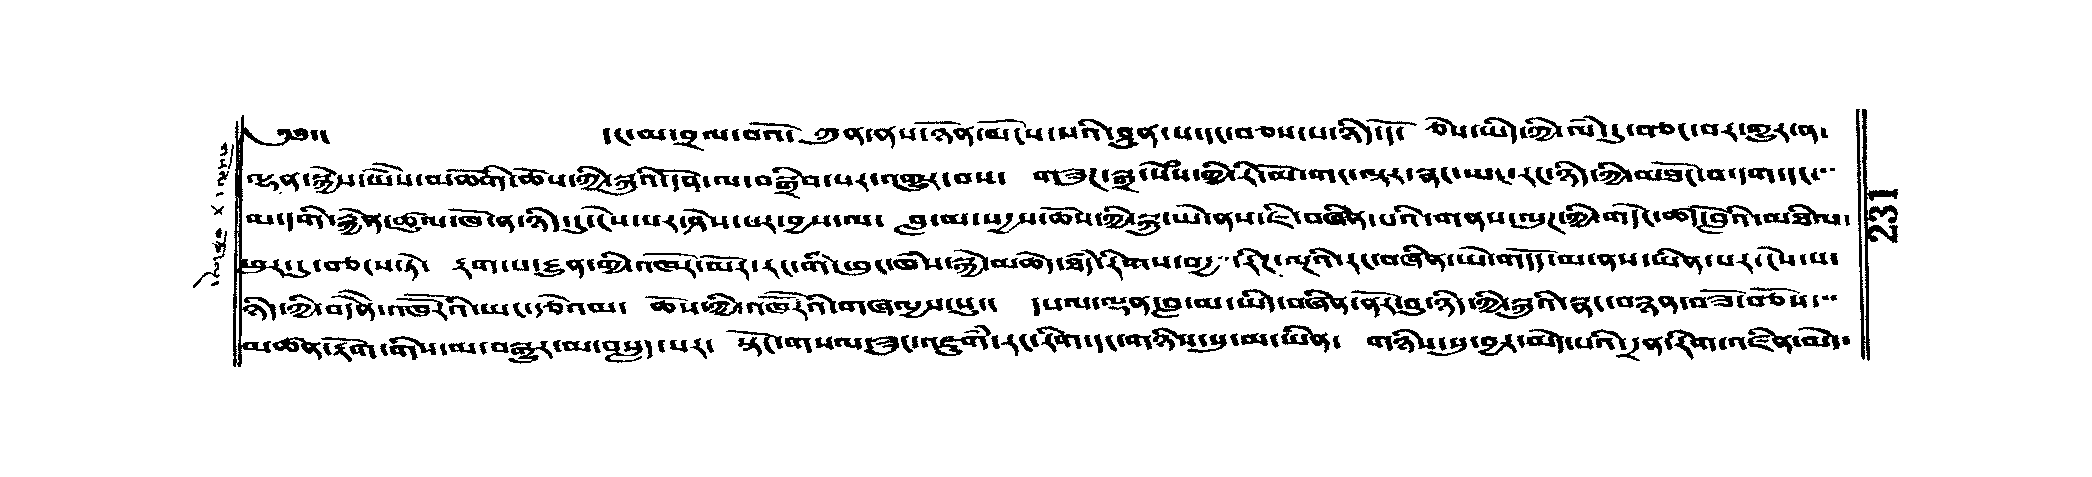དང་མ་བྲལ་བའོ། ཀུན་ནས་ཉོན་མོངས་པའི་ཤུན་པ་དང་བཅས་པ་ཉིད་དོ། ཅེས་ཡིད་ཀྱི་ལམ་དུ་བཅང་བར་གྱུར་ན་
ལྷན་སྐྱེས་ཡེ་ཤེས་མཆོག་གི་ཆོས་ཀྱི་སྐུའི་དོན་ལ་བསྒྲིབ་པར་འགྱུར་བས། གཟུགས་སྒྲ་སེམས་ཀྱི་རི་མོ་གང་ལྟར་སྣང་ཡང་རང་ཉིད་ཀྱི་མཐོང་བ་དག་དང་
མ་དག་གི་རྐྱེན་ཚུལ་ཁོ་ན་ཉིད་དུ་ངེས་པར་ཤེས་པར་བྱས་ལ། བླ་མ་སངས་རྒྱས་ཆོས་ཀྱི་སྐུ་ཡེ་ནས་ཇི་བཞིན་པའི་གནས་ལུགས་ཀྱི་གདེང་ཚད་བློའི་མཐིལ་
ཕུར་དུ་བཅངས་ཏེ། རྟག་པ་རྒྱུན་གྱི་འཁོར་ལོར་རང་གི་ཕུང་ཁམས་སྐྱེ་མཆེད་ཐམས་ཅད་རིགས་བརྒྱ་རིགས་ལྔའི་རང་བཞིན་ཡེ་གདོད་མ་ནས་ཡིན་པར་ངེས་པ་
ཉིད་ཀྱི་བདེ་ཆེན་འཁོར་ལོའི་ཡང་རྩེའམ། ཆོས་ཀྱི་འཁོར་ལོའི་གཞལ་ཡས་སུ། དཔལ་ལྡན་བླ་མ་ཡིད་བཞིན་ནོར་བུ་ཉིད་ཀྱི་སྐུའི་སྣང་བརྙན་བཟོ་བཅོས་
མཚན་རྟོག་གིས་མ་བསྒྱུར་མ་བསླད་པར། སྟོང་གསལ་ཟུང་འཇུག་གི་རང་རིག་དང་གཉིས་སུ་མ་ཡིན། གཉིས་སུ་བྱར་མེད་པའི་དྲན་རིག་འཛིན་མེད་